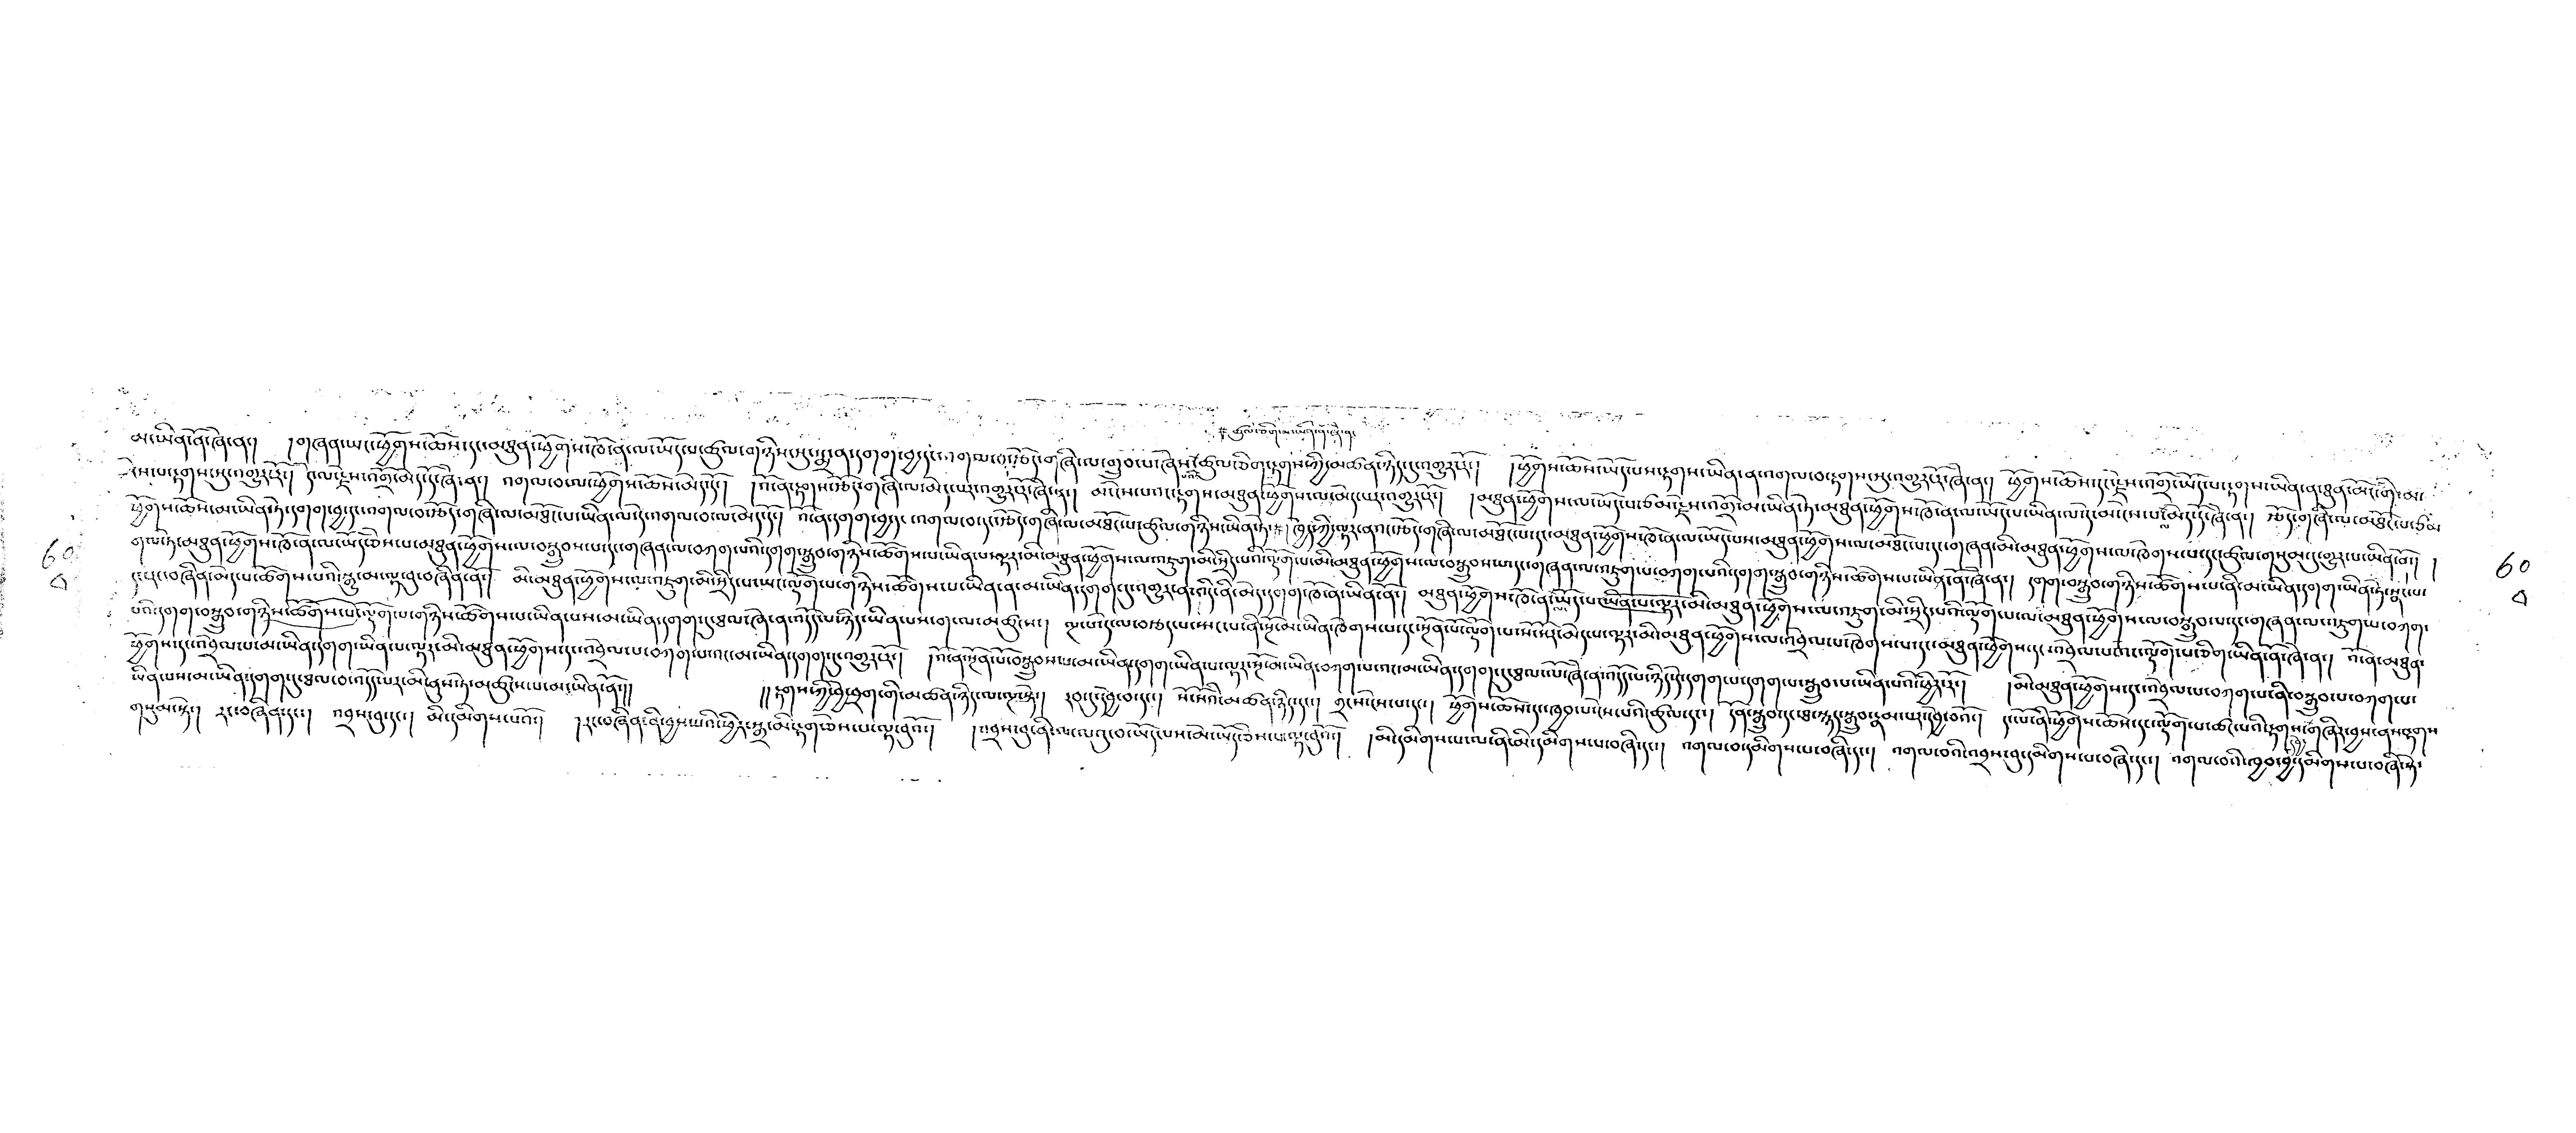མ་ཡིན་ནོ་ཞེ་ན། །གཞན་ཡང་ཕྱོགས་ཆོས་དང་མཐུན་ཕྱོགས་ཁོ་ན་ལ་ཡོད་པ་ཚུལ་གཉིས་སུ་སྨྲ་ན་དགག་བྱ་དང་འགལ་བ་རྩོད་གཞི་ལ་གྲུབ་པ་ཞེས་པའི་ཚུལ་ཅིག་རྟགས་ཀྱི་མཚན་ཉིད་དུ་འགྱུར་རོ། །ཕྱོགས་ཆོས་ཡོད་པས་རྟགས་ཡིན་ན་འགལ་བ་རྟགས་སུ་འགྱུར་རོ་ཞེ་ན། ཕྱོགས་ཆོས་དང་རྗེས་འགྲོ་ཡོད་པ་རྟག་ཡིན་ན་ཐུན་མོང་གི་མ་
ངེས་པ་རྟགས་སུ་འགྱུར་རོ། དེ་ལ་རྗེས་འགྲོ་མེད་དོ་ཞེ་ན། འགལ་བ་ལ་ཕྱོགས་ཆོས་མེད་དོ། །འོ་ན་རྟགས་རྩོད་གཞི་ལ་མེད་པར་འགྱུར་རོ་ཞེ་ན། མ་ངེས་པའང་རྟགས་མཐུན་ཕྱོགས་ལ་མེད་པར་འགྱུར་རོ། །མཐུན་ཕྱོགས་ལ་ཡོད་པ་ཙམ་རྗེས་འགྲོ་མ་ཡིན་ཏེ་མཐུན་ཕྱོགས་ཁོ་ན་ལ་ཡོད་པ་ཡིན་ལ་དེ་མ་ངེས་པ་ལ་མེད་དོ་ཞེ་ན། རྩོད་གཞི་ལ་མཐོང་པ་ཙམ་
ཕྱོགས་ཆོས་མ་ཡིན་ཏེ་དགག་བྱ་དང་འགལ་བ་རྩོད་གཞི་ལ་མཐོང་པ་ཡིན་ལ་དེ་འགལ་བ་ལ་མེད་དོ། འོ་ན་དགག་བྱ་དང་འགལ་བ་དང་རྩོད་གཞི་ལ་མཐོང་པ་ཚུལ་གཉིས་ཡིན་ཏེ་ཚུལ་ཅིག་མ་ཡིན་ནོ་ཞེ་ན།  ཁྱེད་ཀྱི་ལྟར་ནའང་རྩོད་གཞི་ལ་མཐོང་པ་དང་མཐུན་ཕྱོགས་ཁོ་ན་ལ་ཡོད་པས་མཐུན་ཕྱོགས་ལ་མཐོང་པ་དང་གཞན་མི་མཐུན་ཕྱོགས་ལ་ཁེགས་པ་དང་ཚུལ་གསུམ་དུ་གྱུར་པ་ཡིན་ནོ། །
གལ་ཏེ་མཐུན་ཕྱོགས་ཁོ་ན་ལ་ཡོད་ཅེས་པ་མཐུན་ཕྱོགས་ལ་བསྒྲུབས་པ་དང་གཞན་ལ་བཀག་པའི་དགག་སྒྲུབ་གཉིས་ཚོགས་པ་ཡིན་པ་ལྟར་མི་མཐུན་ཕྱོགས་ལ་འཇུག་མི་སྲིད་པའི་ལྡོག་པ་མི་མཐུན་ཕྱོགས་ལ་བསྒྲུབས་པ་དང་གཞན་ལ་འཇུག་པ་བཀག་པའི་དགག་སྒྲུབ་གཉིས་ཚོགས་པ་ཡིན་ནོ་ཞེ་ན། དགག་བསྒྲུབ་གཉིས་ཚོགས་པ་ནི་མ་ཡིན་དགག་ཡིན་ཏེ་སྣང་པ་
དང་རང་བཞིན་མེད་པ་ཚོགས་པའི་སྒྱུ་མ་ལྟ་བུ་བཞིན་ནོ། མི་མཐུན་ཕྱོགས་ལ་འཇུག་མི་སྲིད་པ་ཡང་ལྡོག་པ་གཉིས་ཚོགས་པ་ཡིན་ན་མ་ཡིན་དགག་དུ་འགྱུར་ན་འདི་ནི་མེད་དགག་ཁོ་ན་ཡིན་ནོ། མཐུན་ཕྱོགས་ཁོ་ན་ལ་ཡོད་པ་ཡིན་པ་ལྟར་མི་མཐུན་ཕྱོགས་ལ་འཇུག་མི་སྲིད་པའི་ལྡོག་པ་ལ་མཐུན་ཕྱོགས་ལ་བསྒྲུབ་པ་དང་གཞན་ལ་འཇུག་པ་བཀག་
པའི་དགག་བསྒྲུབ་གཉིས་ཚོགས་པ་ལྡོག་པ་གཉིས་ཚོགས་པ་ཡིན་པས་མ་ཡིན་དགག་དུ་ཐལ་ཞེ་ན་འདོད་པ་ཉིད་ཡིན་པས་ག་ལ་མཚུངས། ལྔ་པ་དེ་ལ་བརྩད་པ་སྤང་པ་ནི་སྔོ་མ་ཡིན་ཁེགས་པ་དང་སྔོན་པོ་ལྡོག་པ་སོ་སོར་མེད་པ་ལྟར་མི་མཐུན་ཕྱོགས་ལ་འབྲེལ་པ་ཁེགས་པ་དང་མཐུན་ཕྱོགས་དང་འབྲེལ་པ་འང་ལྡོག་པ་ཅིག་ཡིན་ནོ་ཞེ་ན། འོ་ན་མཐུན་
ཕྱོགས་དང་འབྲེལ་པ་མ་ཡིན་དགག་ཡིན་པ་ལྟར་མི་མཐུན་ཕྱོགས་དང་འབྲེལ་པ་བཀག་པ་འང་མ་ཡིན་དགག་དུ་འགྱུར་རོ། །འོ་ན་སྔོན་པོ་བསྒྲུབས་པ་མ་ཡིན་དགག་ཡིན་པ་ལྟར་སྔོ་མ་ཡིན་བཀག་པ་འང་མ་ཡིན་དགག་དུ་ཐལ་ལོ་ཞེ་ན་འདོད་པ་ཉིད་དེ་དགག་པ་དགག་པ་སྒྲུབ་པ་ཡིན་པའི་ཕྱིར་རོ། །མི་མཐུན་ཕྱོགས་དང་འབྲེལ་པ་བཀག་པ་ནི་བསྒྲུབ་པ་བཀག་པ་
ཡིན་པས་མ་ཡིན་དགག་དུ་ཐལ་བ་འདོད་པར་མི་ནུས་ཏེ་མཚུངས་པ་མ་ཡིན་ནོ།། །།རྟགས་ཀྱི་བྱེ་བྲག་གི་མཚན་ཉིད་ལ་ལྔ་སྟེ། རབ་དུ་དབྱེ་བ་དང་། སོ་སོའི་མཚན་ཉིད་དང་། གྲངས་ངེས་པ་དང་། ཕྱོགས་ཆོས་དང་ཁྱབ་པ་ངེས་པའི་ཚུལ་དང་། དོན་སྒྲུབ་དང་ཐ་སྙད་སྒྲུབ་རྣམ་པར་དབྱེ་བའོ། དང་པོ་ནི་ཕྱོགས་ཆོས་དང་ལྡོག་པ་ཚང་པའི་རྟགས་དབྱེ་གཞིར་བྱས་ནས་རྟགས་
གསུམ་སྟེ། རང་བཞིན་དང་། འབྲས་བུ་དང་། མི་དམིགས་པའོ། །རང་བཞིན་ནི་བྱས་པའི་ཕྱིར་སྒྲ་མི་རྟག་ཅེས་པ་ལྟ་བུའོ། །འབྲས་བུ་ནི་ལ་ལའུ?་བ་ཡོད་པས་མེ་ཡོད་ཅེས་པ་ལྟ་བུའོ། །མི་དམིགས་པ་ལ་ནི་མི་དམིགས་པ་བཞི་དང་། འགལ་བ་དམིགས་པ་བཞི་དང་། འགལ་བའི་འབྲས་བུ་དམིགས་པ་བཞི་དང་། འགལ་བའི་ཁྱབ་བྱ་དམིགས་པ་བཞི་སྟེ་